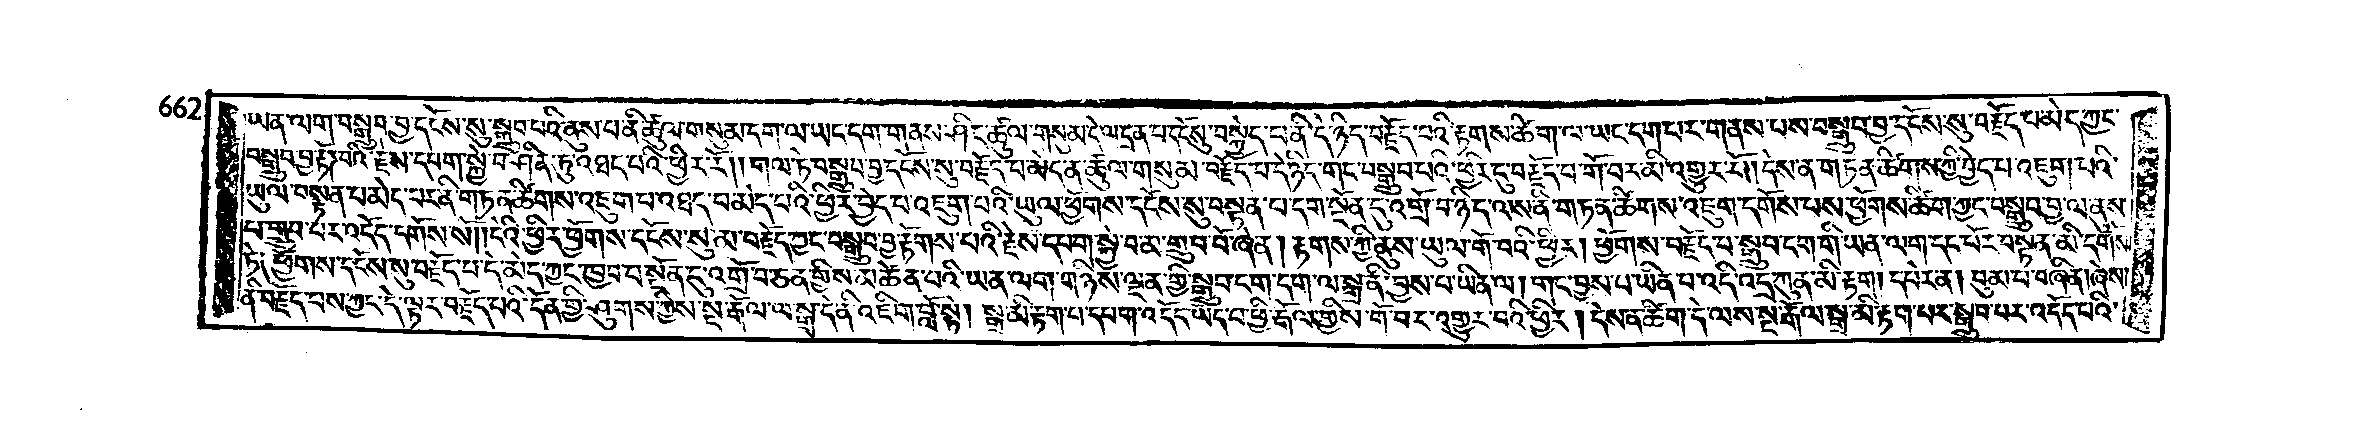ཡན་ལག་བསྒྲུབ་བྱ་དངོས་སུ་སྒྲུབ་པའི་ནུས་པ་ནི་ཚུལ་གསུམ་དག་ལ་ཡང་དག་གནས་ཤིང་ཚུལ་གསུམ་དེ་ལ་དྲན་པ་དངོས་སུ་བསྐྱེད་པ་ནི་དེ་ཉིད་བརྗོད་པའི་རྟགས་ཚིག་ལ་ཡང་དག་པར་གནས་པས་བསྒྲུབ་བྱ་དངོས་སུ་བརྗོད་པ་མེད་ཀྱང་
བསྒྲུབ་བྱ་རྟོགས་པའི་རྗེས་དཔག་སྐྱེ་བ་ཤིན་ཏུ་འཐད་པའི་ཕྱིར་རོ། །གལ་ཏེ་བསྒྲུབ་བྱ་དངོས་སུ་བརྗོད་པ་མེད་ན་ཚུལ་གསུམ་བརྗོད་པ་དེ་ཉིད་གང་བསྒྲུབ་པའི་ཕྱིར་དུ་བརྗོད་པ་གོ་བར་མི་འགྱུར་རོ། །དེས་ན་གཏན་ཚིགས་ཀྱི་བྱེད་པ་འཇུག་པའི་
ཡུལ་བསྟན་པ་མེད་པར་ནི་གཏན་ཚིགས་འཇུག་པ་འཐད་པ་མེད་པའི་ཕྱིར་བྱེད་པ་འཇུག་པའི་ཡུལ་ཕྱོགས་དངོས་སུ་བསྟན་པ་དག་སྔོན་དུ་འགྲོ་བ་ཉིད་ལས་ནི་གཏན་ཚིགས་འཇུག་དགོས་པས་ཕྱོགས་ཚིག་ཀྱང་བསྒྲུབ་བྱ་ལ་ནུས་
པ་གྲུབ་པར་འདོད་དགོས་སོ། །དེའི་ཕྱིར་ཕྱོགས་དངོས་སུ་མ་བརྗོད་ཀྱང་བསྒྲུབ་བྱ་རྟོགས་པའི་རྗེས་དཔག་སྐྱེ་བ་མ་གྲུབ་བོ་ཞེ་ན། རྟགས་ཀྱི་ནུས་ཡུལ་གོ་བའི་ཕྱིར། ཕྱོགས་བརྗོད་པ་སྒྲུབ་ངག་གི་ཡན་ལག་དང་པོར་བསྟན་མི་དགོས་
ཏེ། ཕྱོགས་དངོས་སུ་བརྗོད་པ་དེ་མེད་ཀྱང་ཁྱབ་པ་སྔོན་དུ་འགྲོ་བ་ཅན་གྱིས་མཚེན་པའི་ཡན་ལག་གཉིས་ལྡན་གྱི་སྒྲུབ་ངག་དག་ལ་སྒྲ་ནི་བྱས་པ་ཡིན་ལ། གང་བྱས་པ་ཡིན་པ་འདི་འདྲ་ཀུན་མི་རྟག། དཔེར་ན། བུམ་པ་བཞིན། ཞེས་
ནི་བརྗོད་པས་ཀྱང་དེ་ལྟར་བརྗོད་པའི་དོན་གྱི་ཤུགས་ཀྱིས་སྔ་རྒོལ་ལ་སྒྲ་དེ་ནི་འཇིག་བློ་སྟེ། སྒྲ་མི་རྟག་པ་དཔག་འདོད་ཡོད་པ་ཕྱིར་རྒོལ་གྱིས་གོ་བར་འགྱུར་བའི་ཕྱིར། དེས་ན་ཚིག་དེ་ལས་སྔ་རྒོལ་སྒྲ་མི་རྟག་པར་སྒྲུབ་པར་འདོད་པའི་